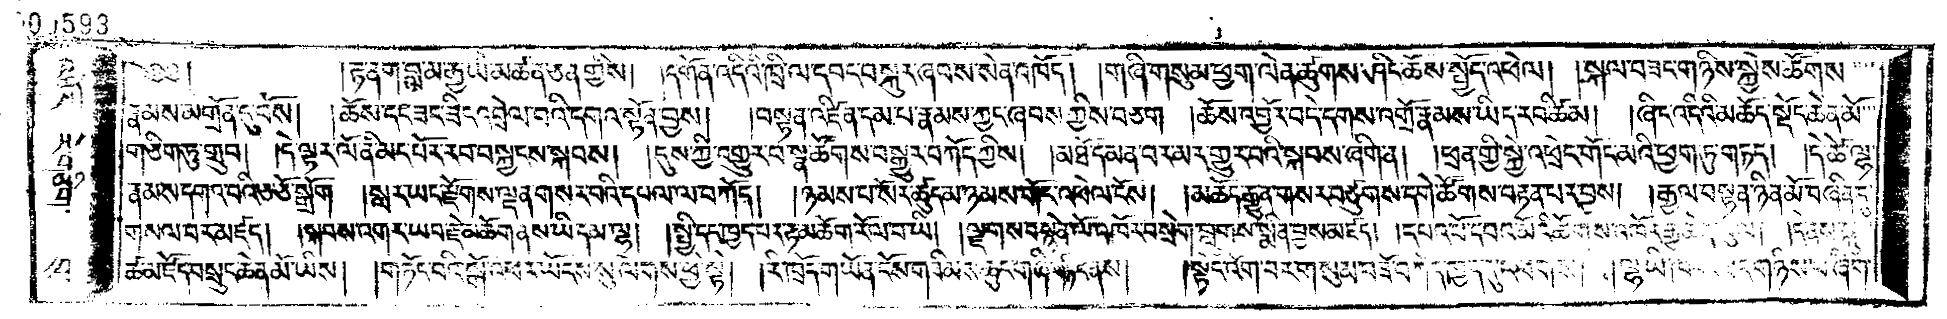༄༅། །རྟ་ནག་བླ་མ་རྒྱ་ཡི་མཚན་ཅན་གྱིས། །དགོན་འདིའི་ཁྲི་ལ་དབང་བསྐུར་ཞབས་སེན་འཁོད། །གཞི་གསུམ་ཕྱག་ལེན་ཚུགས་ཤིང་ཆོས་སྤྱོད་འཕེལ། །སྐལ་བཟང་གཉིས་སྐྱེས་ཚོགས་
རྣམས་མགྲོན་དུ་བོས། །ཆོས་དང་ཟང་ཟིང་འབྲེལ་བའི་དགའ་སྟོན་བྱས། །བསྟན་འཛིན་དམ་པ་རྣམས་ཀྱང་ཞབས་ཀྱིས་བཅག །ཆོས་འབྱོར་བདེ་དགས་འགྲོ་རྣམས་ཡིད་རབ་ཚིམ། །ཞིང་འདིའི་མཆོད་སྡོང་ཆེན་མོ་
གཅིག་ཏུ་གྲུབ། །དེ་ལྟར་ལོ་ནི་མང་པོར་རབ་བསྐྱངས་སྐབས། །དུས་ཀྱི་འགྱུར་བ་སྣ་ཚོགས་བསྒྱུར་བཀོད་ཀྱིས། །མཐོ་དམན་བར་མར་གྱུར་བའི་སྐབས་ཞིག་ན། །ཕྲན་གྱི་སྐྱེ་འཕྲེང་གོང་མའི་ཕྱག་ཏུ་གཏད། །དེ་ཚེ་ལྷ་
རྣམས་དགའ་བའི་ཅ་ཅོ་སྒྲོག །སླར་ཡང་རྫོགས་ལྡན་གསར་བའི་དཔལ་ལ་བཀོད། །ཉམས་པ་སོར་ཚུད་མ་ཉམས་གོང་འཕེལ་ངོས། །མཆོད་རྒྱུན་གསར་བཙུགས་དགེ་ཚོགས་བརྟན་པར་བྱས། །རྒྱལ་བསྟན་ཉིན་མོ་བཞིན་དུ་
གསལ་བར་མཛད། །སྐབས་འགར་ཡབ་རྗེ་མཆོག་ནས་ཡི་དམ་ལྷ། །སྤྱི་དང་ཁྱད་པར་རྟ་མཆོག་རོལ་བ་ཡི། །ལྗགས་བསྙེན་ལོ་འཁོར་བསྲེག་བླུགས་སྨིན་བྱས་མཛད། །དཔའ་བོ་དཔའ་མོའི་ཚོགས་འཁོར་རྒྱ་ཆེན་ཕུལ། །དེ་ནས་སྐུ་
ཚ་མཛོད་བསྲུང་ཆེན་མོ་ཡིས། །གཏོང་བའི་སྒོ་འཕར་ཡོངས་སུ་ལེགས་ཕྱེ་སྟེ། །རི་ཁྲོད་གཡོན་ངོས་གཟིམས་ཆུང་གཞི་གཏིང་ནས། །སྟེང་འོག་བར་གསུམ་བཟོ་བཀོད་ཁྱད་དུ་འཕགས། །ལྷ་ཡི་ཁང་བཟང་གཉིས་པ་ཞིག་